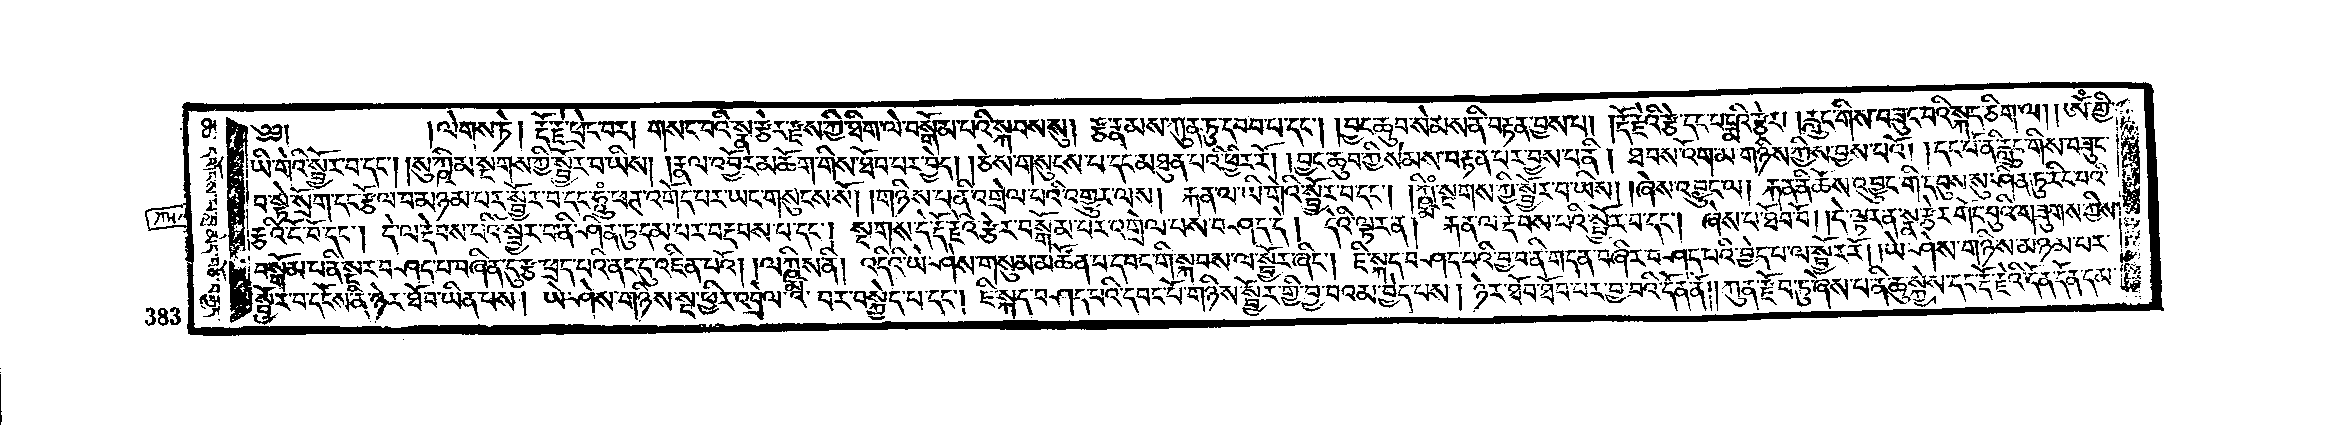༄༅། །ལེགས་ཏེ། རྡོ་རྗེ་ཕྲེང་བར། གསང་བའི་སྣ་རྩེར་རྫས་ཀྱི་ཐིག་ལེ་བསྒོམ་པའི་སྐབས་སུ། རྩ་རྣམས་ཀུན་ཏུ་དབབ་པ་དང་། །བྱང་ཆུབ་སེམས་ནི་བརྟན་བྱས་པ། །རྡོ་རྗེའི་རྩེ་དང་པདམའི་རྩེར། །རླུང་གིས་བཟུང་བའི་སྐད་ཅིག་ལ། །ཨེཾ་གྱི་
ཡི་གེའི་སྦྱོར་བ་དང་། །སུ་ཀྵིམ་སྔགས་ཀྱི་སྦྱོར་བ་ཡིས། །རྣལ་འབྱོར་མཆོག་གིས་ཐོབ་པར་བྱེད། །ཅེས་གསུངས་པ་དང་མཐུན་པའི་ཕྱིར་རོ། །བྱང་ཆུབ་ཀྱི་སེམས་བརྟན་པར་བྱས་པ་ནི། ཐབས་འོག་མ་གཉིས་ཀྱིས་བྱས་པའོ། །དང་པོ་ནི་རླུང་གིས་བཟུང་
བ་སྟེ་སྲོག་དང་རྩོལ་བ་མཉམ་པར་སྦྱོར་བ་དང་ཧཱུཾ་ཕཊ་འགོད་པར་ཡང་གསུངས་སོ། །གཉིས་པ་ནི་འགྲེལ་པའི་འགྱུར་ལས། རྐན་ལ་ཡི་གེའི་སྦྱོར་བ་དང་། །ཀྵྨིམ་?་སྔགས་ཀྱི་སྦྱོར་བ་ཡིས། །ཞེས་འབྱུང་ལ། རྐན་ནི་ཆོས་འབྱུང་གི་དབུས་སུ་ཤིན་ཏུ་རིང་བའི་
རྩའི་ངོ་བོ་དང་། དེ་ལ་རྡེབས་པའི་སྦྱོར་བ་ནི་ཤིན་ཏུ་དམ་པར་བརྡབས་པ་དང་། སྔགས་དེ་རྡོ་རྗེའི་རྩེར་བསྒོམ་པར་འགྲེལ་པས་བཤད་དེ། དེའི་ལྟར་ན། རྐན་ལ་རྡེབས་པའི་སྦྱོར་བ་དང་། ཞེས་པ་ཐོབ་བོ། །དེ་ལྟར་ན་སྣ་རྩེར་གོང་བུའི་གཟུགས་ཀྱིས་
བསྒོམ་པ་ནི་སྔར་བཤད་པ་བཞིན་དུ་རྩ་ཕྲད་པའི་ནང་དུ་འཛིན་པའོ། །ལཀྵྨཱི་ས་ནི། འདིའི་ཡེ་ཤེས་གསུམ་མཚོན་པ་དབང་གི་སྐབས་ལ་སྦྱོར་ཞིང་། ཇི་སྐད་བཤད་པའི་བྱ་བ་ནི་གདན་བཞིར་བཤད་པའི་བྱེད་པ་ལ་སྦྱོར་རོ། །ཡེ་ཤེས་གཉིས་མཉམ་པར་
སྦྱོར་བ་དངོས་ནི་ཉེར་ཐོབ་ཡིན་པས། ཡེ་ཤེས་གཉིས་སྔ་ཕྱིར་འབྲེལ་བར་བསྐྱེད་པ་དང་། ཇི་སྐད་བཤད་པའི་དབང་པོ་གཉིས་སྦྱོར་གྱི་བྱ་བའམ་བྱེད་པས། ཉེར་ཐོབ་ཐོབ་པར་བྱ་བའི་དོན་ནོ། །ཀུན་རྫོབ་ཏུ་ཞེས་པ་ནི་ཆུ་སྐྱེས་དང་རྡོ་རྗེའི་དོན་དོན་དམ་